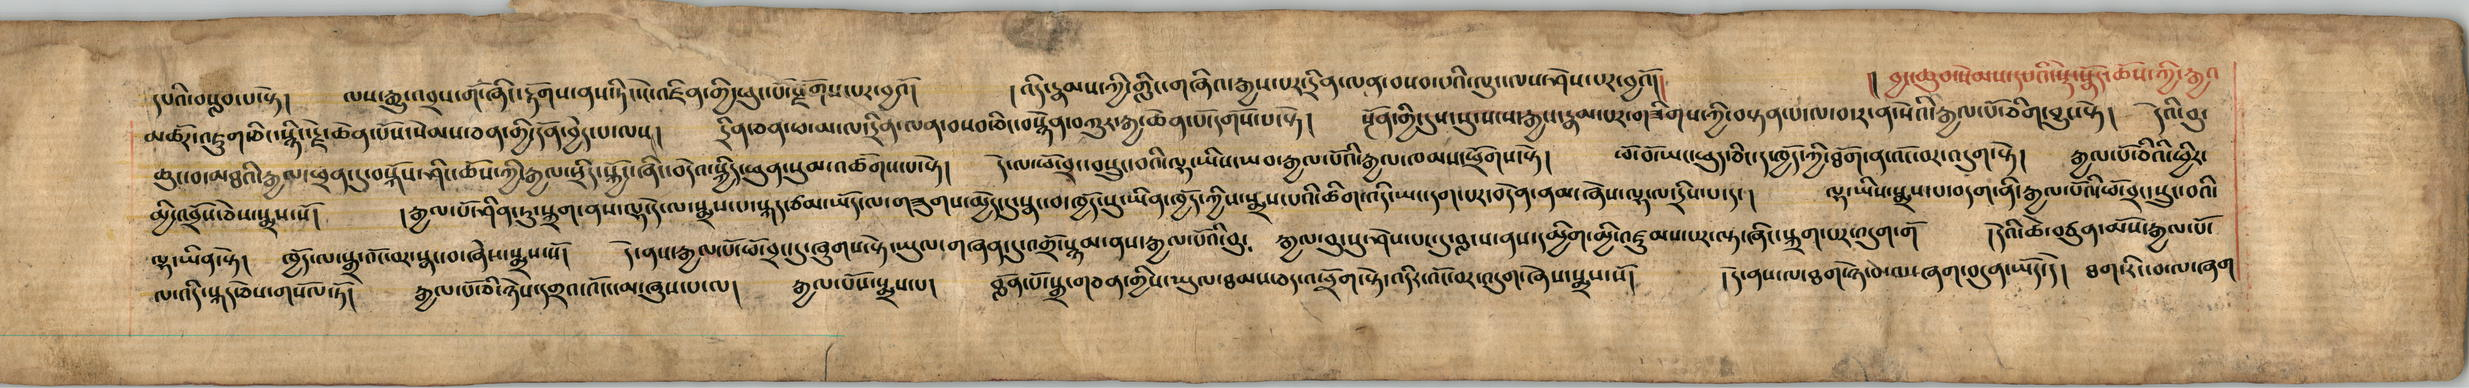དཔའི་བསླབ་པ་སྟེ། ལས་རྒྱུ་འབྲས་གོ་ཞིང་རྟོགས་ནས་ཏིང་ངེ་འཛིན་གྱི་ཕུང་པོ་སྫོགས་པར་བྱའོ། །འདི་རྣམས་ཀྱི་གླིང་གཞིའ་རྒྱས་པར་དྲིན་ལན་བསབ་པའི་ལུང་ལས་ཤེས་པར་བྱའོ།། །། བྱང་ཆུབ་སེམས་དཔའི་སྡེ་སྣོད་ཆོས་ཀྱི་རྒྱའ
མཚོར་འཇུག་ཅིང་སྙིང་རྗེ་ཅེན་པོས་སེམས་ཅན་གྱི་དོན་བྱེད་པ་ལས། དྲིན་ཅན་ཕ་མ་ལ་དྲིན་བསབ་ཅིང་བསྙེན་བཀུར་རྒྱ་ཆེན་པོ་དགོས་པ་སྟེ། སྔོན་གྱི་དུས་སུ་སངས་རྒྱས་རྣམ་པར་གཟིགས་ཀྱི་བསྟན་པ་ལ་བ་ར་ན་སེའི་རྒྱལ་པོ་ཅིག་བྱུང་སྟེ། དེའི་བུ་
ཆུང་བ་མཐའི་རྒྱལ་ཕྲན་དུ་བསྐོས་ཤིང་ཆོས་ཀྱི་རྒྱལ་སྲིད་སྐྱོང་ཞིང་བདེའ་སྐྱིད་ཕུན་སུམ་འཚོགས་པ་སྟེ། དེ་ལ་ཕོ་བྲང་བསྲུང་བའི་ལྷ་ཡིས་ཡབ་རྒྱལ་པོའི་རྒྱལ་ཁམས་ཕྲོགས་སྟེ། ཕོ་བོ་ཡང་ཕུད་ཅིང་ད་ཁྱོད་ཀྱི་ཐོག་ནས་འོང་བར་འདུག་སྟེ། རྒྱལ་པོ་ཅིའི་ཕྱིར་
མྱི་འབྲོས་ཅེས་སྨྲས་སོ། །རྒྱལ་པོ་ཤིན་ཏུ་སྐྲག་ནས་ལྷ་དེ་ལ་སྨྲས་པ་སྐད་ཙམ་ཡོད་ལ་གཟུགས་མྱེད་དུ་སྣང་བ་ཁྱོད་སུ་ཡིན་ཁྱོད་ཀྱིས་སྨྲས་པའི་ཚིག་འདི་ཡང་དག་པར་བདེན་ནམ་ཞེས་ལྷ་ལ་དྲིས་པ་དང། ལྷ་ཡིས་སྨྲས་པ་བདག་ནི་རྒྱལ་པོའི་ཕོ་བྲང་སྲུང་བའི་
ལྷ་ཡིན་སྟེ། ཁྱོད་ལ་སྒྲ་འོང་བར་སྣང་བ་ཞེས་སྨྲས་སོ། དེ་ནས་རྒྱལ་པོ་ཕོ་བྲང་དུ་ཞུགས་སྟེ་ཡུལ་གཞན་དུ་འགྲོ་སྙམ་ནས་རྒྱལ་པོའི་བུ་ རྒྱལ་བུ་སུ་ཤེས་པང་དུ་བླངས་ནས་དམྱིག་མྱི་འཛུམས་པར་ལྟ་ཞིང་སྐྲག་པར་འདུག་གོ །དེའི་ཚེ་བཙུན་མོས་རྒྱལ་པོ་
ལ་འདི་སྐད་ཅེས་གསོལ་ཏོ། རྒྱལ་པོ་ཅི་ཉེས་དགྲའ་འོང་ངམ་ཞུས་པ་ལ། རྒྱལ་པོས་སྨྲས་པ། བློན་པོ་སྒྲ་གཅན་གྱིས་ཡུལ་ཐམས་ཅད་འཕྲོག་སྟེ་འདིར་འོང་བར་འདུག་ཞེས་སྨྲས་སོ། །དེ་ནས་ལ་ཐག་ཉེ་བ་ལ་ཞག་བདུན་ཡོད་དེ། ཐག་རིང་བ་ལ་ཞག